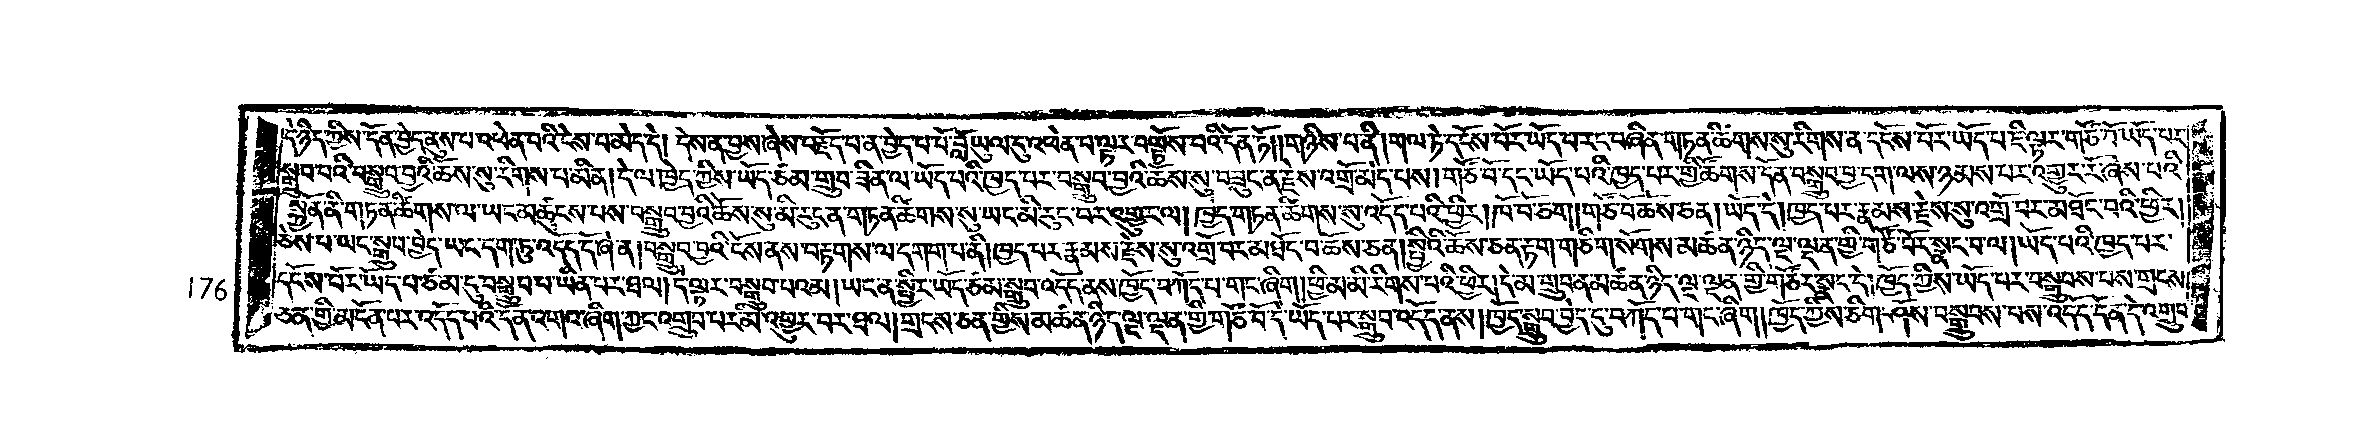དེ་ཉིད་ཀྱིས་དོན་བྱེད་ནུས་པ་འཕེན་པའི་ངེས་པ་མེད་དེ། དེས་ན་བྱས་ཞེས་བརྗོད་པ་ན་བྱེད་པ་པོ་བློ་ཡུལ་དུ་འཕེན་པ་ལྟར་བལྟོས་བའི་དོན་ཏོ། །གཉིས་པ་ནི། གལ་ཏེ་དངོས་པོར་ཡོད་པ་རང་བཞིན་གཏན་ཚིགས་སུ་རིགས་ན་དངོས་པོར་ཡོད་པ་ཇི་ལྟར་གཙོ་བོ་ཡོད་པར་
སྒྲུབ་པའི་བསྒྲུབ་བྱའི་ཆོས་སུ་རིགས་པ་མིན། དེ་ལ་ཁྱེད་ཀྱིས་ཡོད་ཙམ་གྲུབ་ཟིན་ལ་ཡོད་པའི་ཁྱད་པར་བསྒྲུབ་བྱའི་ཆོས་སུ་བཟུང་ན་རྗེས་འགྲོ་མེད་པས། གཙོ་བོ་དང་ཡོད་པའི་ཁྱད་པར་གྱི་ཚོགས་དོན་བསྒྲུབ་བྱ་དག་ལས་ཉམས་པར་འགྱུར་རོ་ཞེས་པའི་
སྐྱོན་ནི་གཏན་ཚིགས་ལ་ཡང་མཚུངས་པས་བསྒྲུབ་བྱའི་ཆོས་སུ་མི་རུང་ན་གཏན་ཚིགས་སུ་ཡང་མི་རུང་བར་འགྱུར་ལ། ཁྱེད་གཏན་ཚིགས་སུ་འདོད་པའི་ཕྱིར། ཁོ་བོ་ཅག། གཙོ་བོ་ཆོས་ཅན། ཡོད་དེ། ཁྱད་པར་རྣམས་རྗེས་སུ་འགྲོ་བར་མཐོང་བའི་ཕྱིར།
ཅེས་པ་ཡང་སྒྲུབ་བྱེད་ཡང་དག་ཏུ་འདོད་དོ་ཞེ་ན། བསྒྲུབ་བྱའི་ངོས་ནས་བརྟགས་ལ་དགག་པ་ནི། ཁྱད་པར་རྣམས་རྗེས་སུ་འགྲོ་བར་མཐོང་བ་ཆོས་ཅན། སྤྱིའི་ཆོས་ཅན་རྟག་གཅིག་སོགས་མཚན་ཉིད་ལྔ་ལྡན་གྱི་གཙོ་བོར་སྣང་བ་ལ། ཡོད་པའི་ཁྱད་པར་
དངོས་པོར་ཡོད་པ་ཙམ་དུ་བསྒྲུབ་པ་ཡིན་པར་ཐལ། དེ་ལྟར་བསྒྲུབ་པའམ། ཡང་ན་སྤྱིར་ཡོད་ཙམ་སྒྲུབ་འདོད་ནས་ཁྱོད་བཀོད་པ་གང་ཞིག །ཕྱི་མ་མི་རིགས་པའི་ཕྱིར། དེ་མ་གྲུབ་ན་མཚན་ཉིད་ལྔ་ལྡན་གྱི་གཙོར་སྣང་དེ། ཁྱོད་ཀྱིས་ཡོད་པར་བསྒྲུབས་པས་གྲངས་
ཅན་གྱི་མངོན་པར་འདོད་པའི་དོན་འགའ་ཞིག་ཀྱང་འགྲུབ་པར་མི་འགྱུར་བར་ཐལ། གྲངས་ཅན་གྱིས་མཚན་ཉིད་ལྔ་ལྡན་གྱི་གཙོ་བོ་དེ་ཡོད་པར་སྒྲུབ་འདོད་ནས། ཁྱོད་སྒྲུབ་བྱེད་དུ་བཀོད་པ་གང་ཞིག །ཁྱོད་ཀྱིས་ཅིག་ཤོས་བསྒྲུབས་པས་འདོད་དོན་དེ་འགྲུབ་